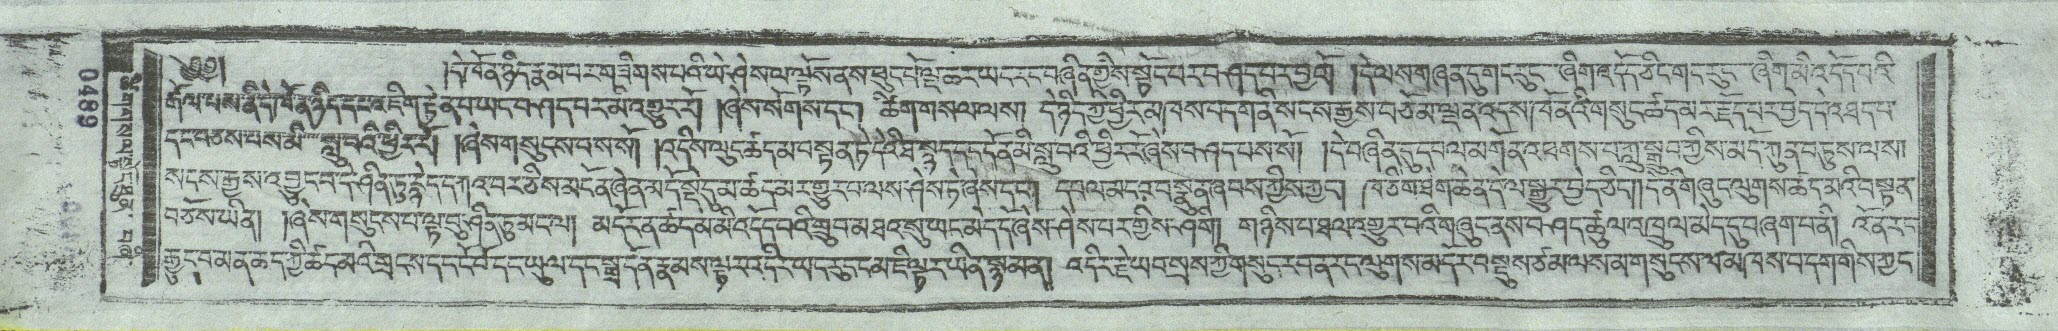༄༅། །དེ་ཁོ་ན་ཉིད་རྣམ་པར་གཟིགས་པའི་ཡེ་ཤེས་ལ་ལྟོས་ནས་ཕུང་པོ་ལྔ་ཆར་ཡང་རང་བཞིན་གྱིས་སྟོང་པར་བཤད་པར་བྱའོ། །དེ་ལས་གཞན་དུ་གང་རུང་ཞིག་འདོད་ཅིང་གང་རུང་ཞིག་མི་འདོད་པའི་
རྒོལ་བས་ནི་དེ་ཁོ་ན་ཉིད་དང་འཇིག་རྟེན་པ་ཡང་བཤད་པར་མི་འགྱུར་རོ། །ཞེས་སོགས་དང་། ཚིག་གསལ་ལས། དེ་ཉིད་ཀྱི་ཕྱིར་མཁས་པ་དག་ནི་སངས་རྒྱས་བཅོམ་ལྡན་འདས་ཁོ་ནའི་གསུང་ཚད་མར་རྗོད་པར་བྱེད་དེ་འཐད་པ་
དང་བཅས་པས་མི་སླུ་བའི་ཕྱིར་རོ། །ཞེས་གསུངས་བས་སོ། །འདིས་ལུང་ཚད་མ་བསྟན་ཏེ་དེའི་ཐ་སྙད་དང་དོན་མི་སླུ་བའི་ཕྱིར་རོ་ཞེས་བཤད་པས་སོ། །དེ་བཞིན་དུ་དཔལ་མགོན་འཕགས་པ་ཀླུ་སྒྲུབ་ཀྱིས་མདོ་ཀུན་བཏུས་ལས།
སངས་རྒྱས་འབྱུང་བ་དེ་ཤིན་ཏུ་རྙེད་དཀའ་བར་ཅིས་མངོན་ཞེ་ན་མདོ་སྡེ་དུ་མ་ཚད་མར་གྱུར་པ་ལས་ཤེས་ཏེ་ཞེས་དང་། དཔལ་མདའ་བསྣུན་ཞབས་ཀྱིས་ཀྱང་། ཁ་ཅིག་ཐེག་ཆེན་དེ་ལ་སྒྱུར་བྱེད་ཅིང་། །དེ་ནི་གཞུང་ལུགས་ཚད་མའི་བསྟན་
བཅོས་ཡིན། །ཞེས་གསུངས་པ་ལྟ་བུ་ཤིན་ཏུ་མང་ལ། མདོར་ན་ཚད་མ་མི་འདོད་པའི་གྲུབ་མཐའ་སུ་ཡང་མེད་དོ་ཞེས་ཤེས་པར་གྱིས་ཤིག། གཉིས་པ་ཐལ་འགྱུར་བའི་གཞུང་ནས་བཤད་ཚུལ་འཁྲུལ་མེད་དུ་བཞག་པ་ནི། འོ་ན་རང་
རྒྱུད་པ་མན་ཆད་ཀྱི་ཚད་མའི་གྲངས་དང་ངོ་བོ་དང་ཡུལ་དང་སྒྲ་དོན་རྣམས་ལྟར་འདིར་ཡང་རུང་ངམ་ཇི་ལྟར་ཡིན་སྙམ་ན། འདིར་རྗེ་ཡབ་སྲས་ཀྱི་གསུང་རབ་ན་རང་ལུགས་མདོར་བསྡུས་ཙམ་ལས་མ་གསུངས་ལ་མཁས་པ་དག་གིས་ཀྱང་